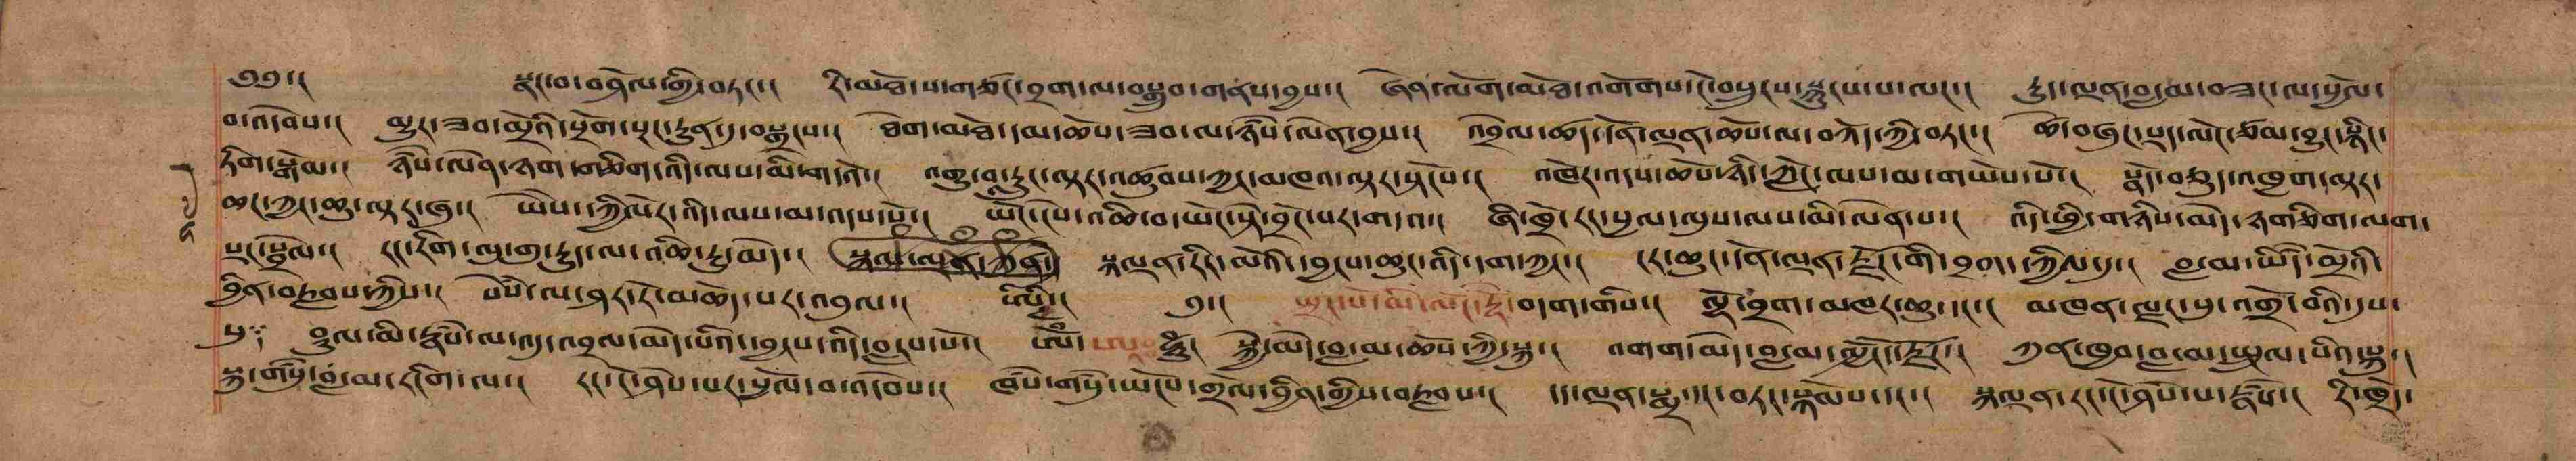༄༅་། སྣང་བ་བཤེལ་གྱི་བཏང་། རི་མཐོ་ས་གཙང་བྲག་ལ་བསྒྲུབ་གནས་བྱས། ཞེན་ལོག་མཐོ་འགོགས་ངེ་བསྲུངས་སྙུངས་པ་ལགས། དྱུད་ལྡན་བླ་མ་བཟང་ལ་གསོལ་
བ་འདེབས། མྱུར་ཟབ་མཁའ་འགྲོའི་སྲོག་སྔགས་རྒྱུན་དུ་བསྒྲངས། ཐེག་མཐོ་དམ་ཆོས་ཟབ་ལ་ཉམས་ལེན་བྱས། འབྲེལ་ཚད་དོན་ལྡན་ཆོས་ལ་བཀོད་ཀྱི་བཏང་། ཚེ་བཞུགས་སྡད་ལོང་ཙམ་བྱུང་སྙིང་
ཏིག་སྒོམ། ཉམས་ལེན་ཉག་གཅིག་འདི་ལས་མི་གདའོ། འགྱུ་བ་རླུང་ལྟར་འཚུབས་ཀྱང་མཁའ་ལྟར་སྟོངས། འཁོར་འདས་ཆོས་ཉིད་ཀློང་ལས་མ་གཡོས་སོ། སྣོད་བཅུད་འཁྱག་ལྟར་
ཆགས་ཀྱང་ཆུ་ལྟར་ཞུ། ཡེ་ཤེས་དཀྱིལ་འཁོར་འདི་ལས་མ་འདས་སོ། ཡོང་ངེས་འཆི་བ་ཡོང་སྟེ་བྲོང་པར་གདའ། ཞི་ཁྲོ་རང་གསལ་ལུས་ལས་མི་ལེན་པ། འདི་ཕྱི་གཉིས་མེད་ཉག་གཅིག་ལག་
སྡང་སྦྲེལ། རང་རིག་ལུ་གུ་དྱུད་ལ་འཆི་དྱུ་མེད། སྐལ་ལྡན་རིང་མོའི་དབྱངས་ཆུང་འདི་དག་ཀྱང་། ངར་ཆུང་དོན་ལྡན་རྫོང་གི་བྲག་དཀྱིལ་དུ། བླ་མ་ཡི་དམ་མཁའ་འགྲོའི་
བྱིན་བརླབས་ཀྱིས། སེམས་ལ་ཤར་རོ་མཆོད་པར་འབུལ། ཨིཊི། ༄་། སྤྲང་པོ་མི་ལོང་རྡོ་རྗེ་བདག་གིས། ལྷོ་བྲག་མཁར་ཆུ་དང་། མཁན་ལྗང་སུ་འགྲོ་བའི་དུས་
སུ༑ ཤུལ་མི་རྣམས་ལ་འདུ་འབྲལ་མེད་པའི་དབྱངས་འདི་བླངས་སོ། ཨོཾ་ཨཱཿ ཧཱུཾ། སྐྱེ་མེད་བླ་མ་ཆོས་ཀྱི་སྐུ། འགག་མེད་བླ་མ་ལོང་སྤྱོད་རྫོགས། ཀུན་ཁྱབ་བླ་མ་སྤྲུལ་པའི་སྐུ། 
སྐུ་གསུམ་བླ་མ་རང་རིག་ལ། རང་ངོ་ཤེས་པར་གསོལ་བ་འདེབས། ཁམས་གསུམ་ཡོངས་གྲོལ་བྱིན་གྱིས་བརླབས། དད་ལྡན་སྨྲ་དང་བཏང་སྙོམས་དང་། སྐལ་ལྡན་རང་ངོ་ཤེས་པ་རྣམས། རི་ཁྲོད་